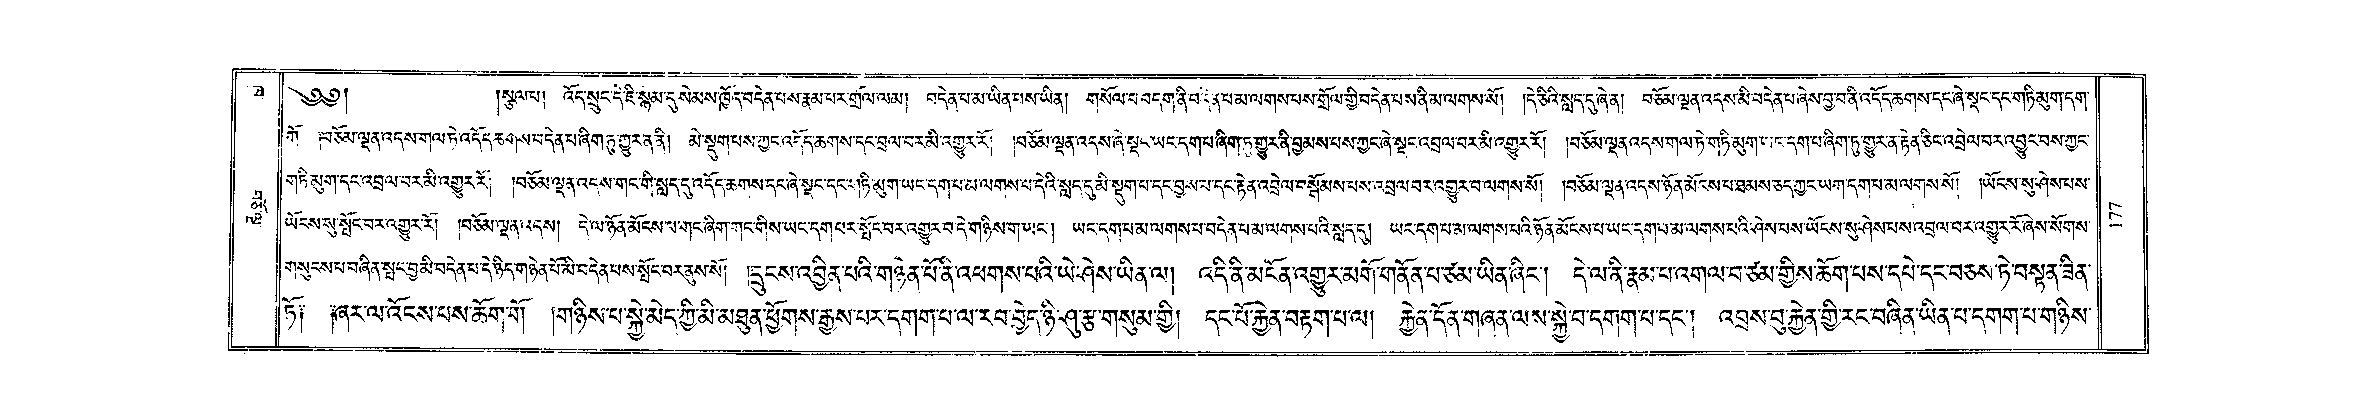༄༅། །སྩལ་པ། འོད་སྲུང་དེ་ཇི་སྙམ་དུ་སེམས་ཁྱོད་བདེན་པས་རྣམ་པར་གྲོལ་ལམ། བདེན་པ་མ་ཡིན་པས་ཡིན། གསོལ་བ་བདག་ནི་བདེན་པ་མ་ལགས་པས་གྲོལ་གྱི་བདེན་པས་ནི་མ་ལགས་སོ། །དེ་ཅིའི་སླད་དུ་ཞེ་ན། བཅོམ་ལྡན་འདས་མི་བདེན་པ་ཞེས་བྱ་བ་ནི་འདོད་ཆགས་དང་ཞེ་སྡང་དང་གཏི་མུག་དག་
གོ །བཅོམ་ལྡན་འདས་གལ་ཏེ་འདོད་ཆགས་བདེན་པ་ཞིག་ཏུ་གྱུར་ན་ནི། མི་སྡུག་པས་ཀྱང་འདོད་ཆགས་དང་བྲལ་བར་མི་འགྱུར་རོ། །བཅོམ་ལྡན་འདས་ཞེ་སྡང་ཡང་དག་པ་ཞིག་ཏུ་གྱུར་ནི་བྱམས་པས་ཀྱང་ཞེ་སྡང་འབྲལ་བར་མི་འགྱུར་རོ། །བཅོམ་ལྡན་འདས་གལ་ཏེ་གཏི་མུག་ཡང་དག་པ་ཞིག་ཏུ་གྱུར་ན་རྟེན་ཅིང་འབྲེལ་བར་འབྱུང་བས་ཀྱང་
གཏི་མུག་དང་འབྲལ་བར་མི་འགྱུར་རོ། །བཅོམ་ལྡན་འདས་གང་གི་སླད་དུ་འདོད་ཆགས་དང་ཞེ་སྡང་དང་གཏི་མུག་ཡང་དག་པ་མ་ལགས་པ་དེའི་སླད་དུ་མི་སྡུག་པ་དང་བྱས་པ་དང་རྟེན་འབྲེལ་བསྒོམས་པས་འབྲལ་བར་འགྱུར་བ་ལགས་སོ། །བཅོམ་ལྡན་འདས་ཉོན་མོངས་པ་ཐམས་ཅད་ཀྱང་ཡང་དག་པ་མ་ལགས་སོ། །ཡོངས་སུ་ཤེས་པས་
ཡོངས་སུ་སྤོང་བར་འགྱུར་རོ། །བཅོམ་ལྡན་འདས། དེ་ལ་ཉོན་མོངས་པ་གང་ཞིག་གང་གིས་ཡང་དག་པར་སྤོང་བར་འགྱུར་བ་དེ་གཉིས་ག་ཡང་། ཡང་དག་པ་མ་ལགས་པ་བདེན་པ་མ་ལགས་པའི་སླད་དུ། ཡང་དག་པ་མ་ལགས་པའི་ཉོན་མོངས་པ་ཡང་དག་པ་མ་ལགས་པའི་ཤེས་པས་ཡོངས་སུ་ཤེས་པས་འབྲལ་བར་འགྱུར་རོ་ཞེས་སོགས་
གསུངས་པ་བཞིན་སྤང་བྱ་མི་བདེན་པ་དེ་ཉིད་གཉེན་པོ་མི་བདེན་པས་སྤོང་བར་ནུས་སོ། །དྲུངས་འབྱིན་པའི་གཉེན་པོ་ནི་འཕགས་པའི་ཡེ་ཤེས་ཡིན་ལ། འདི་ནི་མངོན་འགྱུར་མགོ་གནོན་པ་ཙམ་ཡིན་ཞིང་། དེ་ལ་ནི་རྣམ་པ་འགལ་བ་ཙམ་གྱིས་ཆོག་པས་དཔེ་དང་བཅས་ཏེ་བསྟན་ཟིན་
ཏོ༑ ༑ཞར་ལ་འོངས་པས་ཆོག་གོ །གཉིས་པ་སྐྱེ་མེད་ཀྱི་མི་མཐུན་ཕྱོགས་རྒྱས་པར་དགག་པ་ལ་རབ་བྱེད་ཉི་ཤུ་རྩ་གསུམ་གྱི། དང་པོ་རྐྱེན་བརྟག་པ་ལ། རྐྱེན་དོན་གཞན་ལས་སྐྱེ་བ་དགག་པ་དང་། འབྲས་བུ་རྐྱེན་གྱི་རང་བཞིན་ཡིན་པ་དགག་པ་གཉིས་